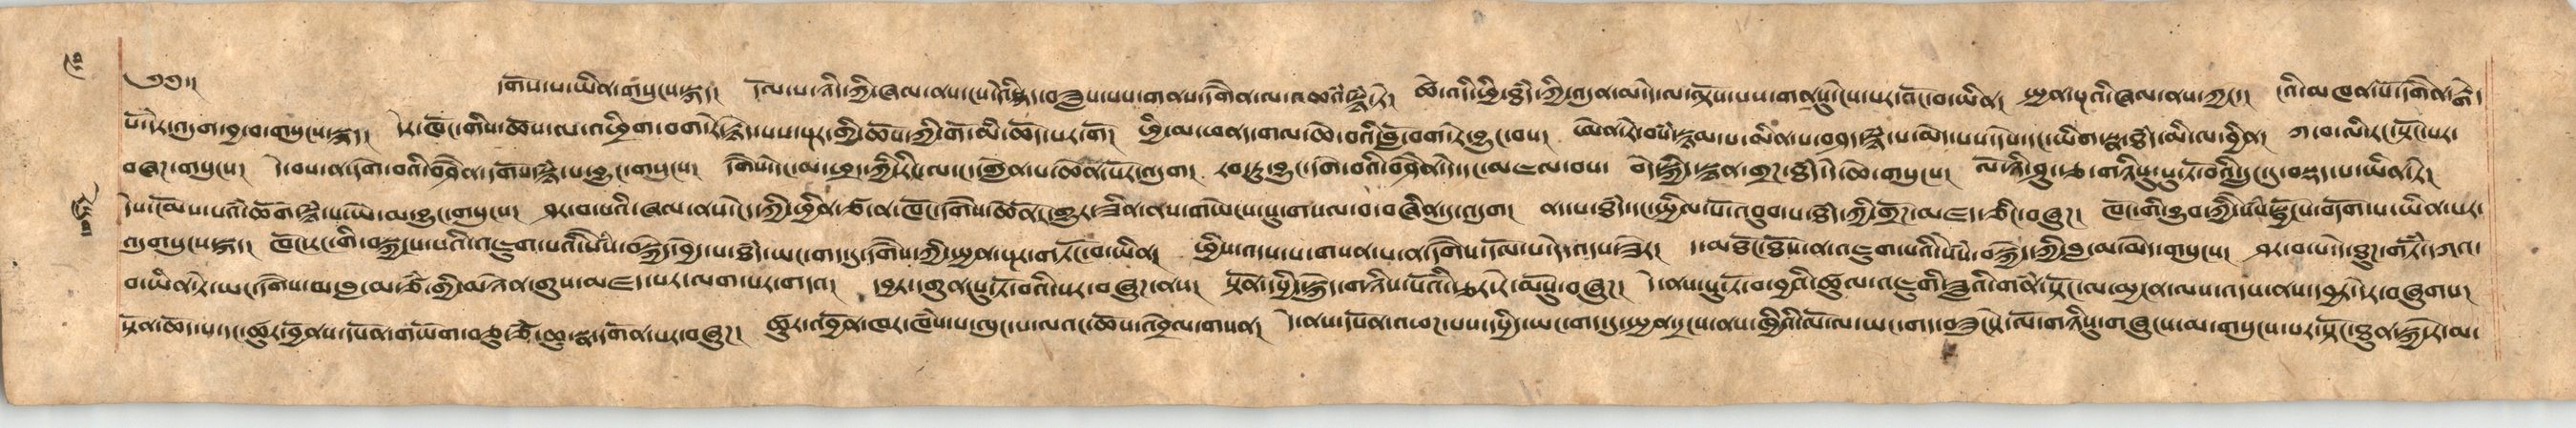དགོས་པ་ཡིན་གསུངས་སྐད། དོལ་པ་ཉིད་ཀྱི་ཞལ་ནས་ངས་དེ་སྐིད་བཟླས་པས་གནས་དགཻན་ལ་འཆའཾ་སྙཾ་ཏེ། ཚེ་འདི་ཕྱི་ཐཾད་ཀྱི་འདུན་མ་དེ་ལ་ལྟོས་པས་གནསུ་ངེས་པར་འོང་བ་ཡིན། སྤྱན་སྔའི་ཞལ་ནས་ཀྱང་། ངའི་མཁན་པོ་དགཻན་རྒེད
པོ་དེར་འདུག་བྱ་བ་གསུངས་སྐད། དེར་ཁོང་གིས་ཆོས་ལ་འཕྲིག་བག་རེ་རྙེད་པས་སྔར་གྱི་ཆོས་ཀྱི་གོ་མི་ཆོད་པར་གོ། ཕྱི་མ་ཕནད་གལ་ཆེ་བའི་བློ་བག་རེ་བྱུང་བས། ཨེན་ཏེ་བསཾ་སྙམ་པ་མིན་པ་བཤད་སྙཾ་པ་མེད་པས་དཔེ་དང་ཡིག་སྣ་ཐཾད་མི་ལ་བྱིན། ཀ་བ་ལི་རང་སྟོང་པར་
བཞཌ་གསུངས། དེ་བས་ན་དགེ་བའི་བཤཻན་དགོས་སྙཾ་པ་བྱུང་གསུངས། དགཻས་དེང་མ་ཕྲད་ཀྱི་རིང་ལ་ངད་གླེན་པ་ཆེན་པོར་འདུག། རབ་ཏུ་བྱུང་དགེ་བའི་བཤཻན་དེ་དང་མཇལ་བས། བདེ་སྐྱིད་སྙན་གྲཌ་ཐཾད་དེ་ཆེ་གསུངས། ལོ་ཉི་ཤུ་རྩ་གཉིསུ་པུ་ཏོ་བའི་དྲུང་དུ་བསྡད་པ་ཡིན་ཏེ།
དེས་ངོམས་པའཾ་ཆོག་སྙཾ་པ་ཡེ་མ་བྱུང་གསུངས། ཤར་བ་པའི་ཞལ་ནས་ངེད་ཀྱི་ཕྱིན་ཙ་ན་ཁོང་དགཻས་ཆེནོར་གྱུར་ཟིན་ནས་གཡེངས་སུ་གསལ་བ་བཞིན་དུ་འདུག། ནད་པ་ཐཾད་དང་སྤྱིལ་པོ་འབུབ་པ་ཐཾད་ཀྱི་གྲོཌ་མཛད་ཅིང་བཞུཌ། ཁོང་གི་བྱུབ་ཀྱི་སེཾས་སྦྱོངས་བདོག་པ་ཡིན་པར་
འདུགསུངས་སྐད། ཁོང་རང་གི་བསྐྱངས་པའི་འཇུག་པའི་སེཾས་བསྐྱེད་བྱེད་པ་ཐཾད་ཡང་གད་དུ་དགཻས་ཀྱི་སྤྱན་སྔར་གཏོང་བ་ཡིན། ཕྱིས་འདས་པ་གསན་པ་ན་དགཻས་དོལ་པ་དེ་འདས་ཟེར། ད་མཐོང་ཐོས་ན་འཇུག་པའི་སེཾས་བསྐྱེད་ཀྱི་བླ་མ་མེད་གསུངས། ཤར་བ་པ་དེ་ཐུཌ་གཏོཾ་དཀའ་
བ་ཡིན་ཏེ་ཡང་དགཻས་མ་བླ་མ་ཙཾ་གྱི་མཉེན་གུས་མཛད་པར་ལག་པར་གདའ། དབྱར་དགུན་པུ་ཏོ་བའི་པར་བཞུཌ་ནས། སྟོན་དཔྱིད་སྐེུད་གཉིས་པོའི་རྩར་རེ་མོསུ་བཞུཌ། དེ་ནས་པུ་ཏོ་བ་བྱའི་ཚུལ་འཇུགི་ཟླའི་གནཾ་སྟོང་ལ་མྱངན་ལས་འདས་ནས་དབྱར་དེར་བཞུགས།
སྟོན་ཆོད་པ་དང་ཚུར་བྱོནས་དཔོན་གཡོག་བཅུ་ཙཾ་ཆུ་སྣ་དགོན་པར་བཞུཌ། ཚུར་འབྱོན་ཁར་ཁཾས་པ་ལུང་པ་ལའང་ཆོས་འབྲེལ་གསན། དེ་ནས་དཔོན་འཕཌ་པས་དཔྱིད་ཡང་གད་དུ་སྤྱན་དྲངས་ནས་ཁྱིའི་ལོ་ལ་ཡང་གད་བཟུངསྟེ་ལོ་གཉིསུ་གཞུངས་མ་གསུངས་པར་སྟོང་ཐུན་སྐྱ་རེ་མ་